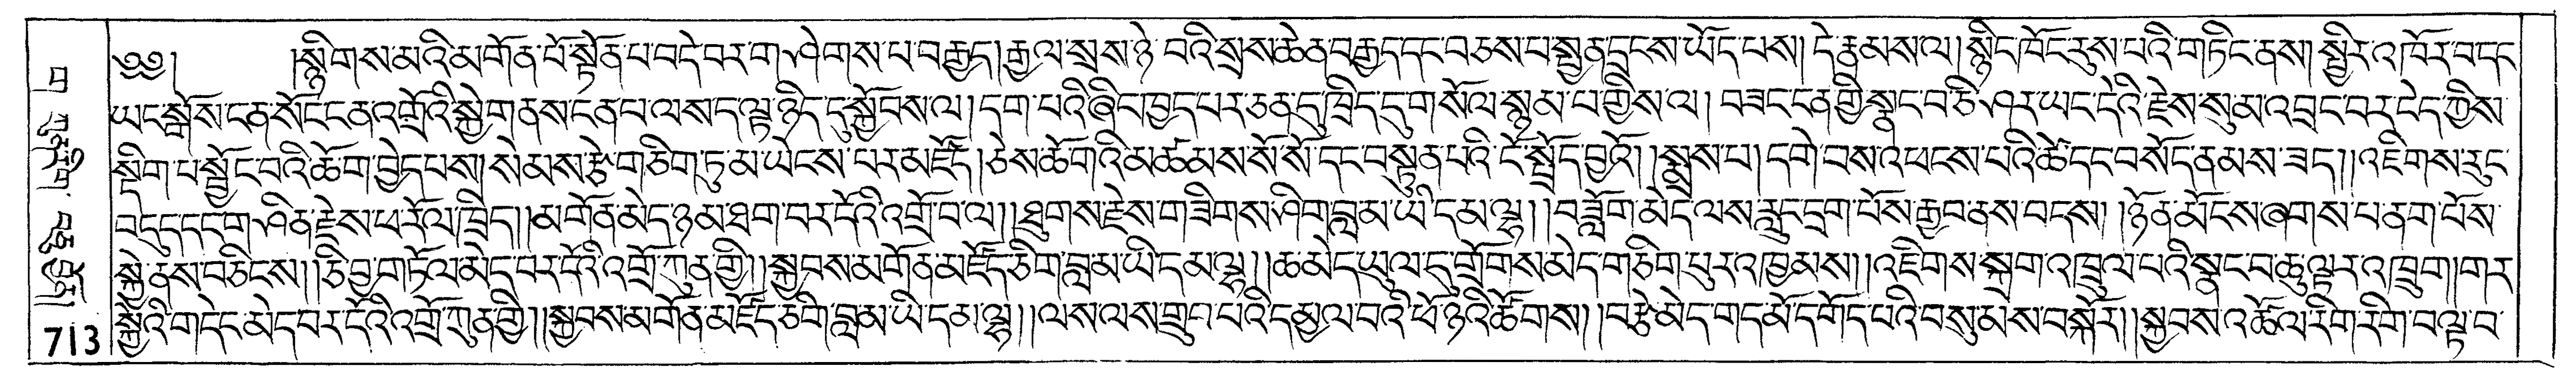༄༅། །སྙིགས་མའི་མགོན་པོ་སྟོན་པ་བདེ་བར་གཤེགས་པ་བརྒྱད། རྒྱལ་སྲས་ཉེ་བའི་སྲས་ཆེན་བརྒྱད་དང་བཅས་པ་སྤྱན་དྲངས་ཡོད་པས། དེ་རྣམས་ལ། སྙིང་ཁོང་རུས་པའི་གཏིང་ནས། སྤྱིར་འཁོར་བ་དང་
ཡང་སྒོས་ངན་སོང་ངན་འགྲོའི་སྐྱེ་གནས་ངན་པ་ལས་ད་ལྟ་ཉིད་དུ་སྐྱོབས་ལ། དག་པའི་ཞིང་ཁྱད་པར་ཅན་དུ་ཁྲིད་དུ་གསོལ་སྙམ་པ་གྱིས་ལ། བཟང་ངན་གྱི་སྣང་བ་ཅི་ཤར་ཡང་དེའི་རྗེས་སུ་མ་འབྲང་བར་ངེད་ཀྱིས་
སྡིག་པ་སྦྱོང་བའི་ཆོ་ག་བྱེད་པས། སེམས་རྩེ་གཅིག་ཏུ་མ་ཡེངས་པར་མཛོད། ཅེས་ཆོ་གའི་མཚམས་སོ་སོ་དང་བསྟུན་པའི་ངོ་སྤྲོད་བྱའོ། །སྨྲས་པ། དགེ་བས་འཕངས་པའི་ཚེ་དང་བསོད་ནམས་ཟད། །འཇིགས་རུང་
བདུད་དང་གཤིན་རྗེས་ཕ་རོལ་ཁྲིད། །མགོན་མེད་ཉམ་ཐག་བར་དོའི་འགྲོ་བ་ལ། །ཐུགས་རྗེས་གཟིགས་ཤིག་བླ་མ་ཡི་དམ་ལྷ། །བཟློག་མེད་ལས་རླུང་དྲག་པོས་རྒྱབ་ནས་བདས། །ཉོན་མོངས་ཞགས་པ་ནག་པོས་
སྐྱེ་ནས་བཅིངས། །ཅི་བྱ་གཏོལ་མེད་བར་དོའི་འགྲོ་ཀུན་གྱི། །སྐྱབས་མགོན་མཛོད་ཅིག་བླ་མ་ཡི་དམ་ལྷ། །ཆ་མེད་ཡུལ་དུ་གྲོགས་མེད་གཅིག་པུར་འཁྱམས། །འཇིགས་སྐྲག་འཁྲུལ་པའི་སྣང་བ་ཆུ་ལྟར་འཁྲུག །གར་
སྐྱེའི་གདེང་མེད་པར་དོའི་འགྲོ་ཀུན་གྱི། །སྐྱབས་མགོན་མཛོད་ཅིག་བླ་མ་ཡི་དམ་ལྷ། །ལས་ལས་གྲུབ་པའི་དམྱལ་བའི་ཕོ་ཉའི་ཚོགས། །བརྩེ་མེད་གད་མོ་དགོད་པའི་བསུ་མས་བསྐོར། །སྐྱབས་འཚོལ་རིག་རིག་བལྟ་བ་